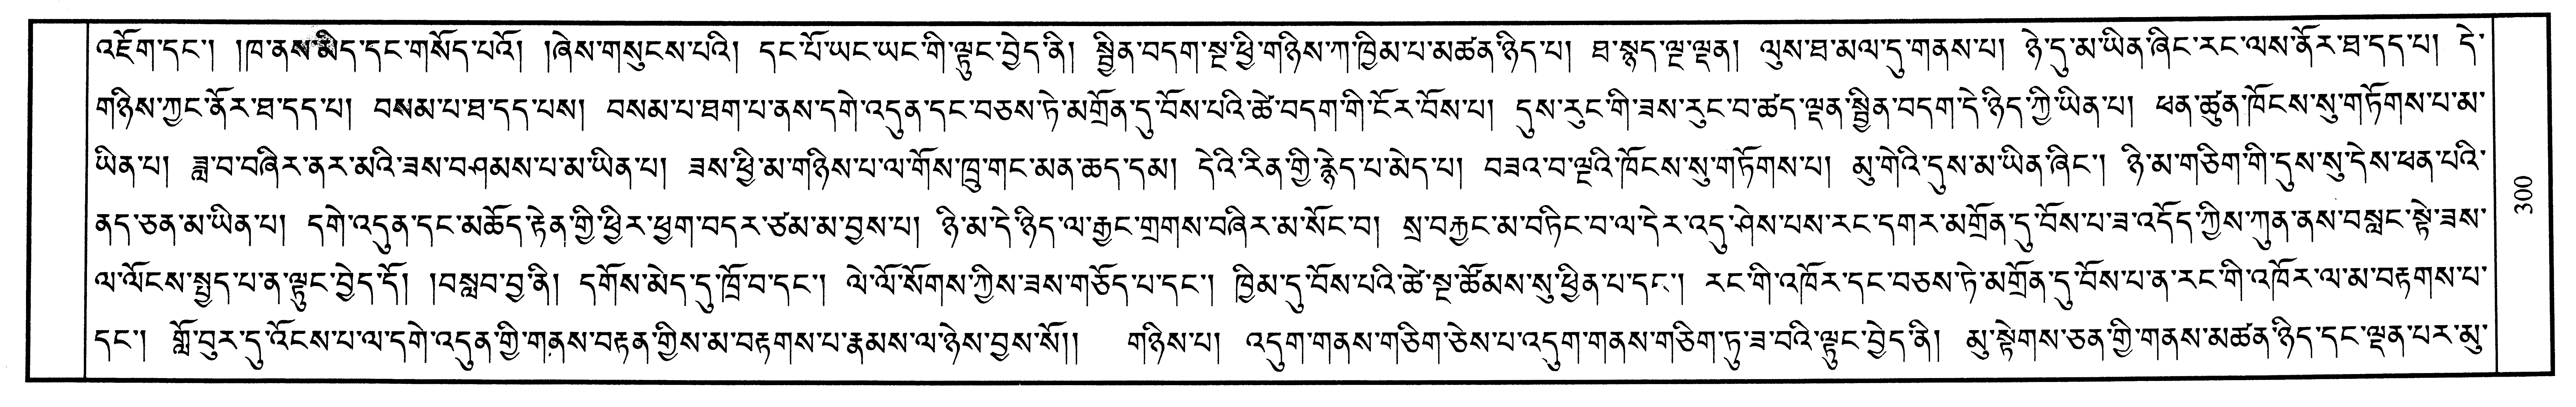འཇོག་དང་། །ཁ་ནས་མིད་དང་གསོད་པའོ། །ཞེས་གསུངས་པའི། དང་པོ་ཡང་ཡང་གི་ལྟུང་བྱེད་ནི། སྦྱིན་བདག་སྔ་ཕྱི་གཉིས་ཀ་ཁྱིམ་པ་མཚན་ཉིད་པ། ཐ་སྙད་ལྔ་ལྡན། ལུས་ཐ་མལ་དུ་གནས་པ། ཉེ་དུ་མ་ཡིན་ཞིང་རང་ལས་ནོར་ཐ་དད་པ། དེ་
གཉིས་ཀྱང་ནོར་ཐ་དད་པ། བསམ་པ་ཐ་དད་པས། བསམ་པ་ཐག་པ་ནས་དགེ་འདུན་དང་བཅས་ཏེ་མགྲོན་དུ་བོས་པའི་ཚེ་བདག་གི་ངོར་བོས་པ། དུས་རུང་གི་ཟས་རུང་བ་ཚད་ལྡན་སྦྱིན་བདག་དེ་ཉིད་ཀྱི་ཡིན་པ། ཕན་ཚུན་ཁོངས་སུ་གཏོགས་པ་མ་
ཡིན་པ། ཟླ་བ་བཞིར་ནར་མའི་ཟས་བཤམས་པ་མ་ཡིན་པ། ཟས་ཕྱི་མ་གཉིས་པ་ལ་གོས་ཁྲུ་གང་མན་ཆད་དམ། དེའི་རིན་གྱི་རྙེད་པ་མེད་པ། བཟའ་བ་ལྔའི་ཁོངས་སུ་གཏོགས་པ། མུ་གེའི་དུས་མ་ཡིན་ཞིང་། ཉི་མ་གཅིག་གི་དུས་སུ་དེས་ཕན་པའི་
ནད་ཅན་མ་ཡིན་པ། དགེ་འདུན་དང་མཆོད་རྟེན་གྱི་ཕྱིར་ཕྱག་བདར་ཙམ་མ་བྱས་པ། ཉི་མ་དེ་ཉིད་ལ་རྒྱང་གྲགས་བཞིར་མ་སོང་བ། སྲ་བརྐྱང་མ་བཏིང་བ་ལ་དེར་འདུ་ཤེས་པས་རང་དགར་མགྲོན་དུ་བོས་པ་ཟ་འདོད་ཀྱིས་ཀུན་ནས་བསླང་སྟེ་ཟས་
ལ་ལོངས་སྤྱད་པ་ན་ལྟུང་བྱེད་དོ། །བསླབ་བྱ་ནི། དགོས་མེད་དུ་ཁྲོ་བ་དང་། ལེ་ལོ་སོགས་ཀྱིས་ཟས་གཅོད་པ་དང་། ཁྱིམ་དུ་བོས་པའི་ཚེ་སྔ་ཚོམས་སུ་ཕྱིན་པ་དང་། རང་གི་འཁོར་དང་བཅས་ཏེ་མགྲོན་དུ་བོས་པ་ན་རང་གི་འཁོར་ལ་མ་བརྟགས་པ་
དང་། གློ་བུར་དུ་འོངས་པ་ལ་དགེ་འདུན་གྱི་གནས་བརྟན་གྱིས་མ་བརྟགས་པ་རྣམས་ལ་ཉེས་བྱས་སོ།། གཉིས་པ། འདུག་གནས་གཅིག་ཅེས་པ་འདུག་གནས་གཅིག་ཏུ་ཟ་བའི་ལྟུང་བྱེད་ནི། མུ་སྟེགས་ཅན་གྱི་གནས་མཚན་ཉིད་དང་ལྡན་པར་མུ་